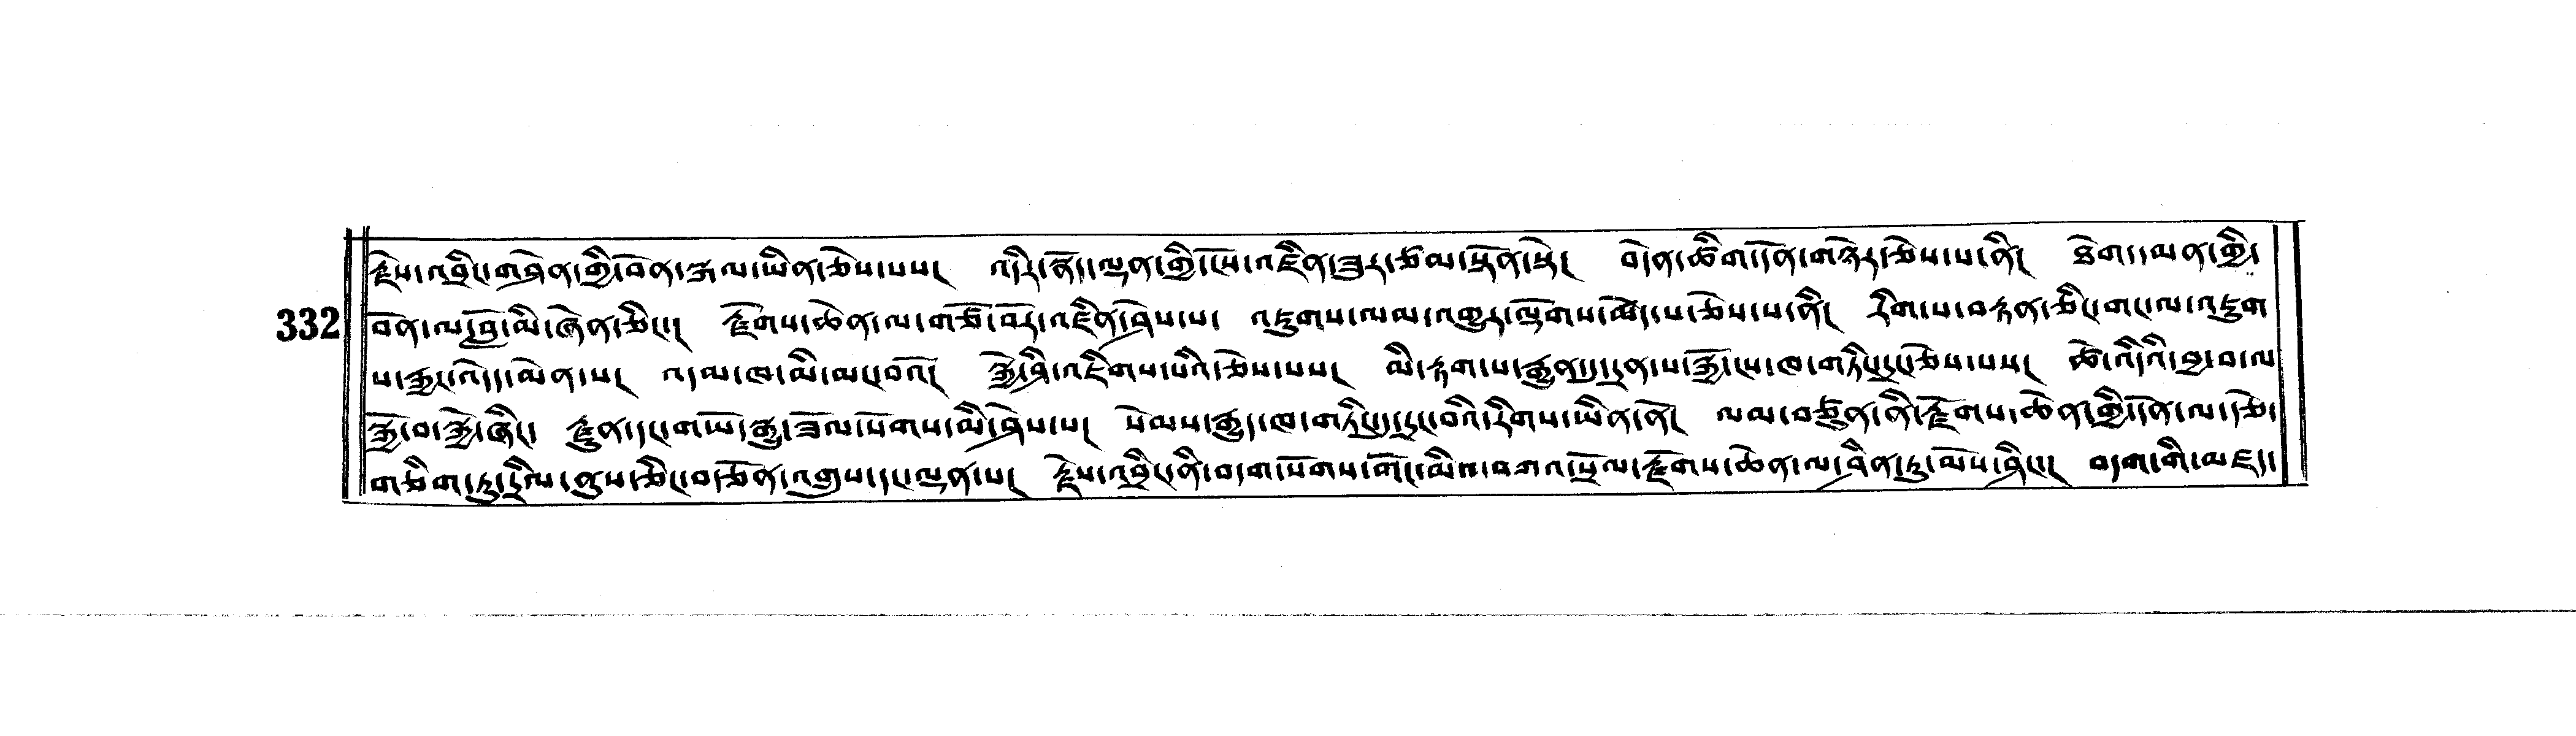རྗེས་འབྲེང་གཤེན་གྱི་བོན་སྐལ་ཡིན་ཅེས་པས་འདིར་སྣོད་ལྡན་གྱི་ངོས་འཛིན་ཟུར་ཙམ་སྟོན་ཏེ། བདེན་ཚིག་དོན་གཉེར་ཅེས་པ་ནི། ཐེག་དམན་གྱི་
བོན་ལ་བློ་མི་ཞེན་ཅིང་། རྫོགས་ཆེན་ལ་གཙོ་བོར་འཛིན་ཤེས་པ། འཇུག་ལམ་འགྱུར་ལྡོག་མེད་ཅེས་པ་ནི། རིག་པ་བརྟན་ཅིང་གང་ལ་འཇུག་
པ་རྐྱང་འདེད་ལེན་པ། འདམ་ཁ་མི་མང་བའོ། སྐྱེ་ཤི་འཇིགས་པའི་ཅེས་པས་མི་རྟག་པ་རྒྱུན་དུ་དྲན་པ་སྐྱོ་ངས་ཁ་གཏིང་དྲངས་ཅེས་པས། ཚེ་འདིའི་བྱ་བ་ལ
སྐྱོ་བ་སྐྱེ་ཞིང་། རྫུན་དུ་གཡོ་སྒྱུ་ཟོལ་ཟོག་མི་ཤེས་པ་སེམས་རྒྱུད་ཁ་གཏིང་དུ་དྲངས་པའི་རིགས་ཡིན་ནོ། ལམ་བཙུན་ནི་རྫོགས་ཆེན་གྱི་དོན་ལ་རྩེ་
གཅིག་ཏུ་དྲིལ་ནུས་ཤིང་བརྩོན་འགྲུས་དང་ལྡན་པ། རྗེས་འབྲེངས་ནི་བདག་སོགས་གོང་མའི་བཀའ་སྲོལ་རྫོགས་ཆེན་ལ་ཤིན་ཏུ་མོས་ཤིང་། བདག་གི་མཛད་